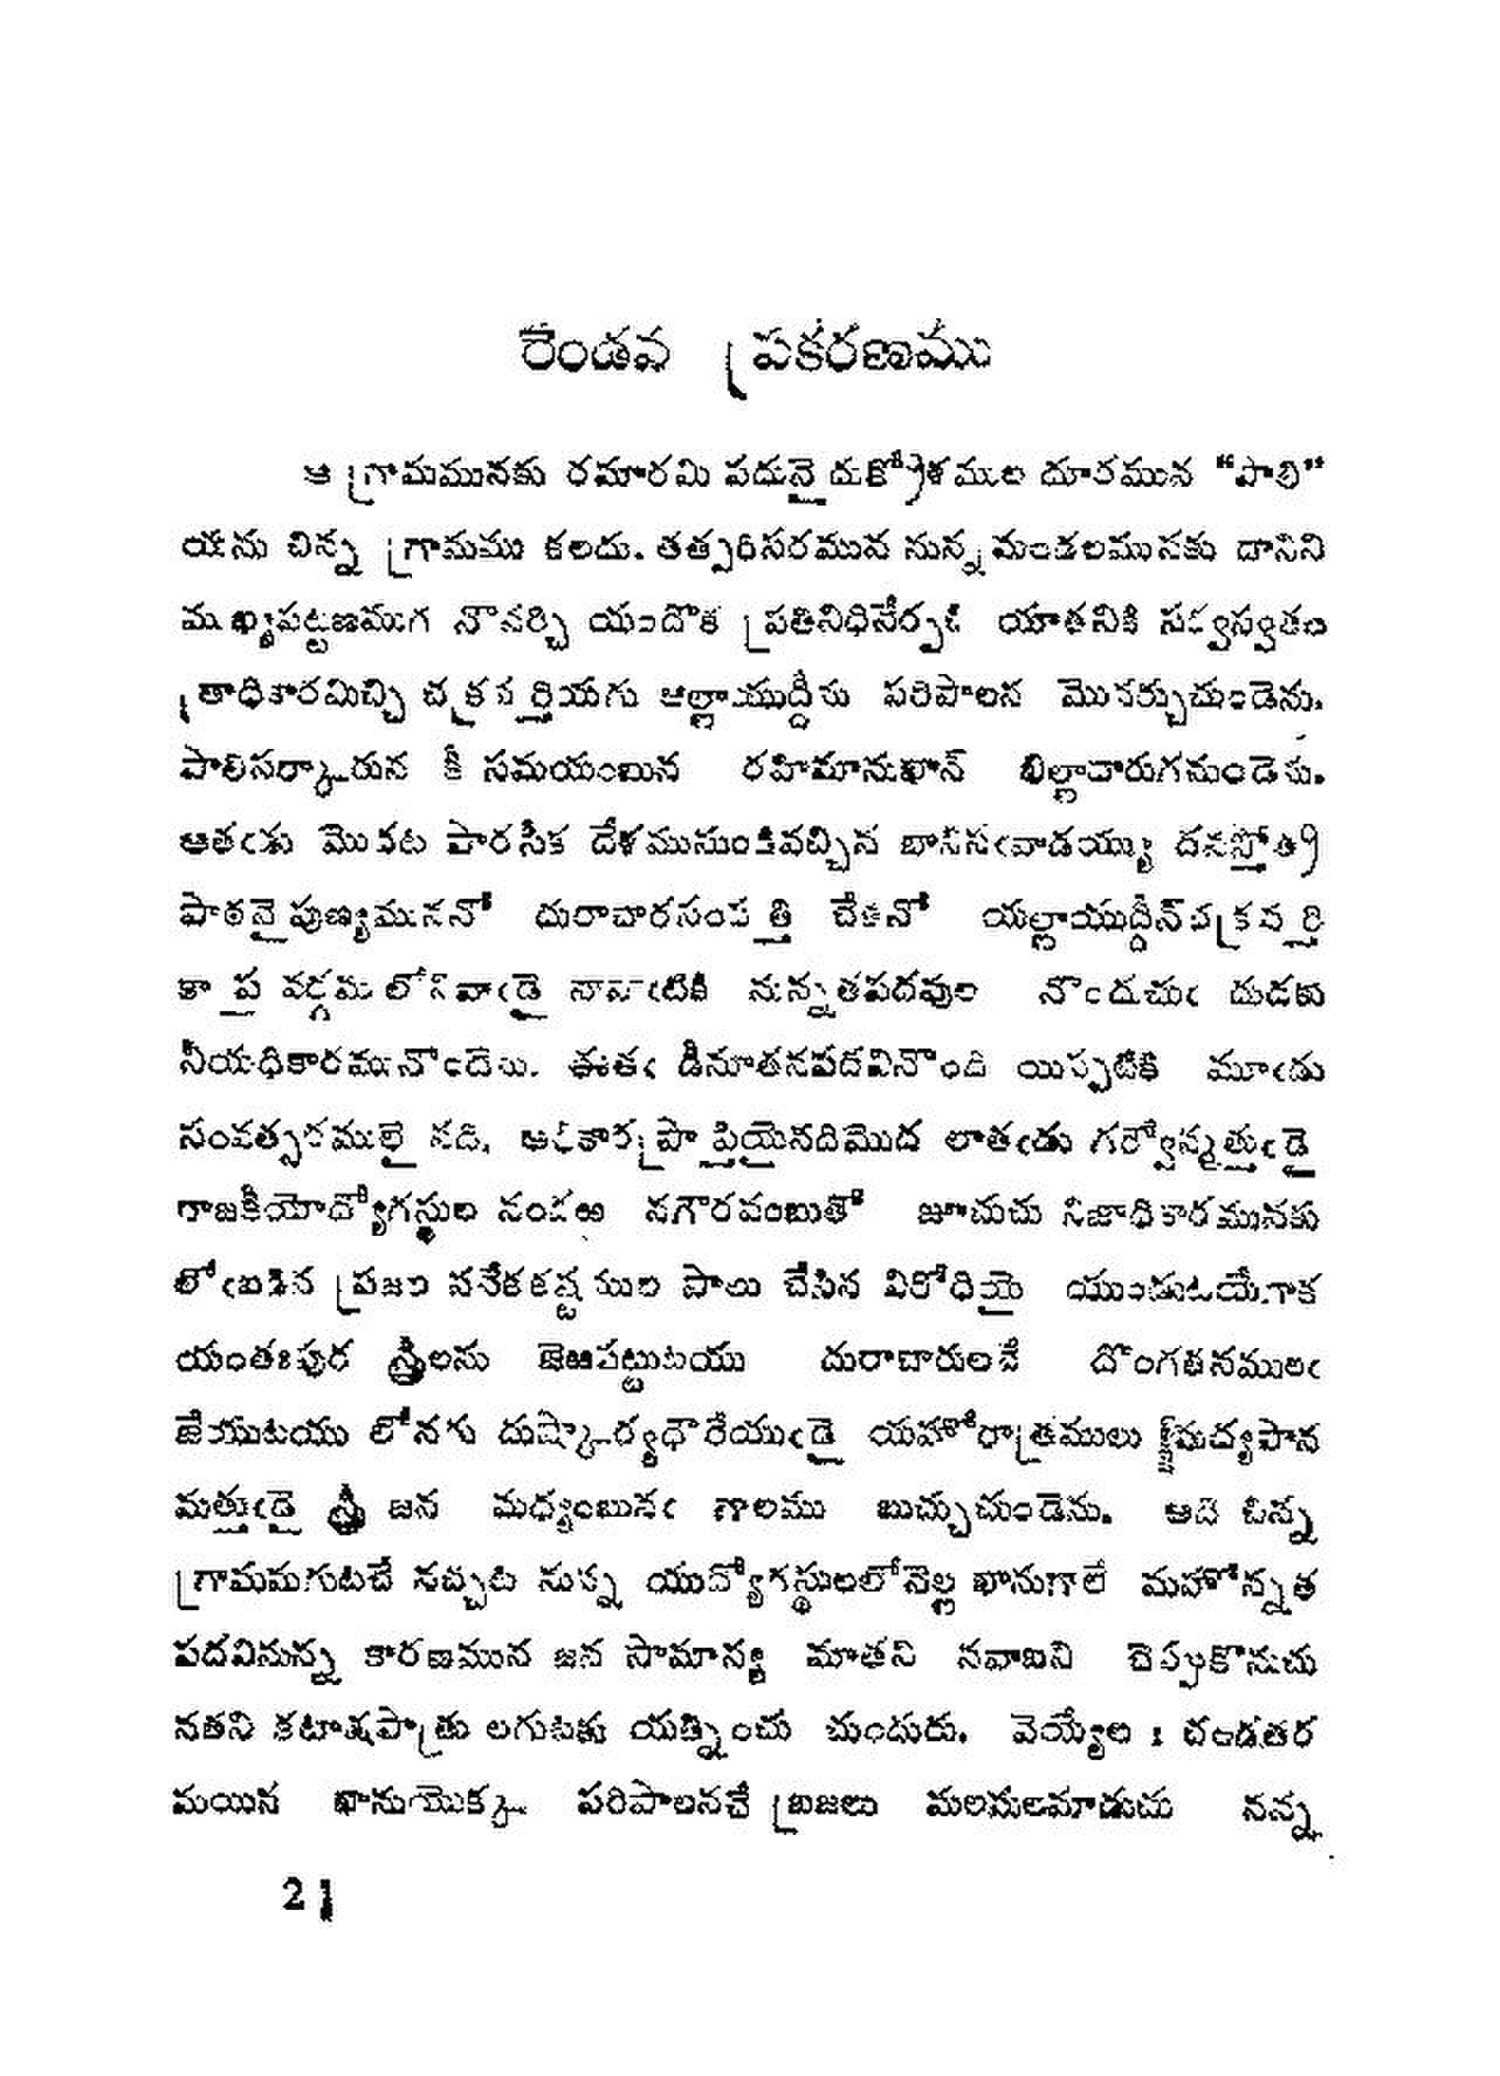రెండవ ప్రకరణము 

ఆ గ్రామమునకు రమారమి పదునైదుక్రోశముల దూరమున “పాలి” యను చిన్న గ్రామము కలదు. తత్పరిసరమున నున్న మండలమునకు దానిని ముఖ్యపట్టణముగ నొనర్చి యందొక ప్రతినిధినేర్పఁరచి యాతనికి సర్వస్వతంత్ర్యాధికారమిచ్చి చక్రవర్తియగు అల్లాయుద్దీను పరిపాలన మొనర్చుచుండెను. పాలిసర్కారున కీ సమయంబున రహిమానుఖాన్ ఖిల్లాదారుగనుండెను. ఆతఁడు మొదట పారసీక దేశమునుండివచ్చిన బానిసఁవాడయ్యు దనస్త్రోత్ర పాఠనైపుణ్యముననో దురాచారసంపత్తి చేతనో యల్లాయుద్దీన్ చక్రవర్తి కాప్త వర్గములోని వాఁడై నానాఁటికి నున్నతపదవుల నొందుచుఁ దుదకు నీయధికారము నొందెను. ఈతఁ డీనూతనపదవినొంది యిప్పటికి మూఁడు సంవత్సరములైనది. అధికార ప్రాప్తియైనదిమొద లాతఁడు గర్వోన్మత్తుఁడై రాజకీయోద్యోగస్థుల నందఱ నగౌరవంబుతో జూచుచు నిజాధికారమునకు లోఁబడిన ప్రజల ననేకకష్టముల పాలు చేసిన విరోధియై యుండుటయేగాక యంతఃపుర స్త్రీలను జెఱపట్టుటయు దురాచారులచే దొంగతనములఁ జేయుటయు లోనగు దుష్కార్యధౌరేయుఁడై యహోరాత్రములు మద్యపాన మత్తుఁడై స్త్రీ జన మధ్యంబునఁ గాలము బుచ్చుచుండెను. అది చిన్న గ్రామమగుటచే నచ్చట నున్న యుద్యోగస్థులలోనెల్ల ఖానుగాలే మహోన్నత పదవినున్న కారణమున జన సామాన్య మాతని నవాబని చెప్పుకొనుచు నతని కటాక్షపాత్రు లగుటకు యత్నించు చుందురు. వెయ్యేల! చండతరమయిన ఖాను యొక్క పరిపాలనచే బ్రజలు మలమలమాడుచు నన్న